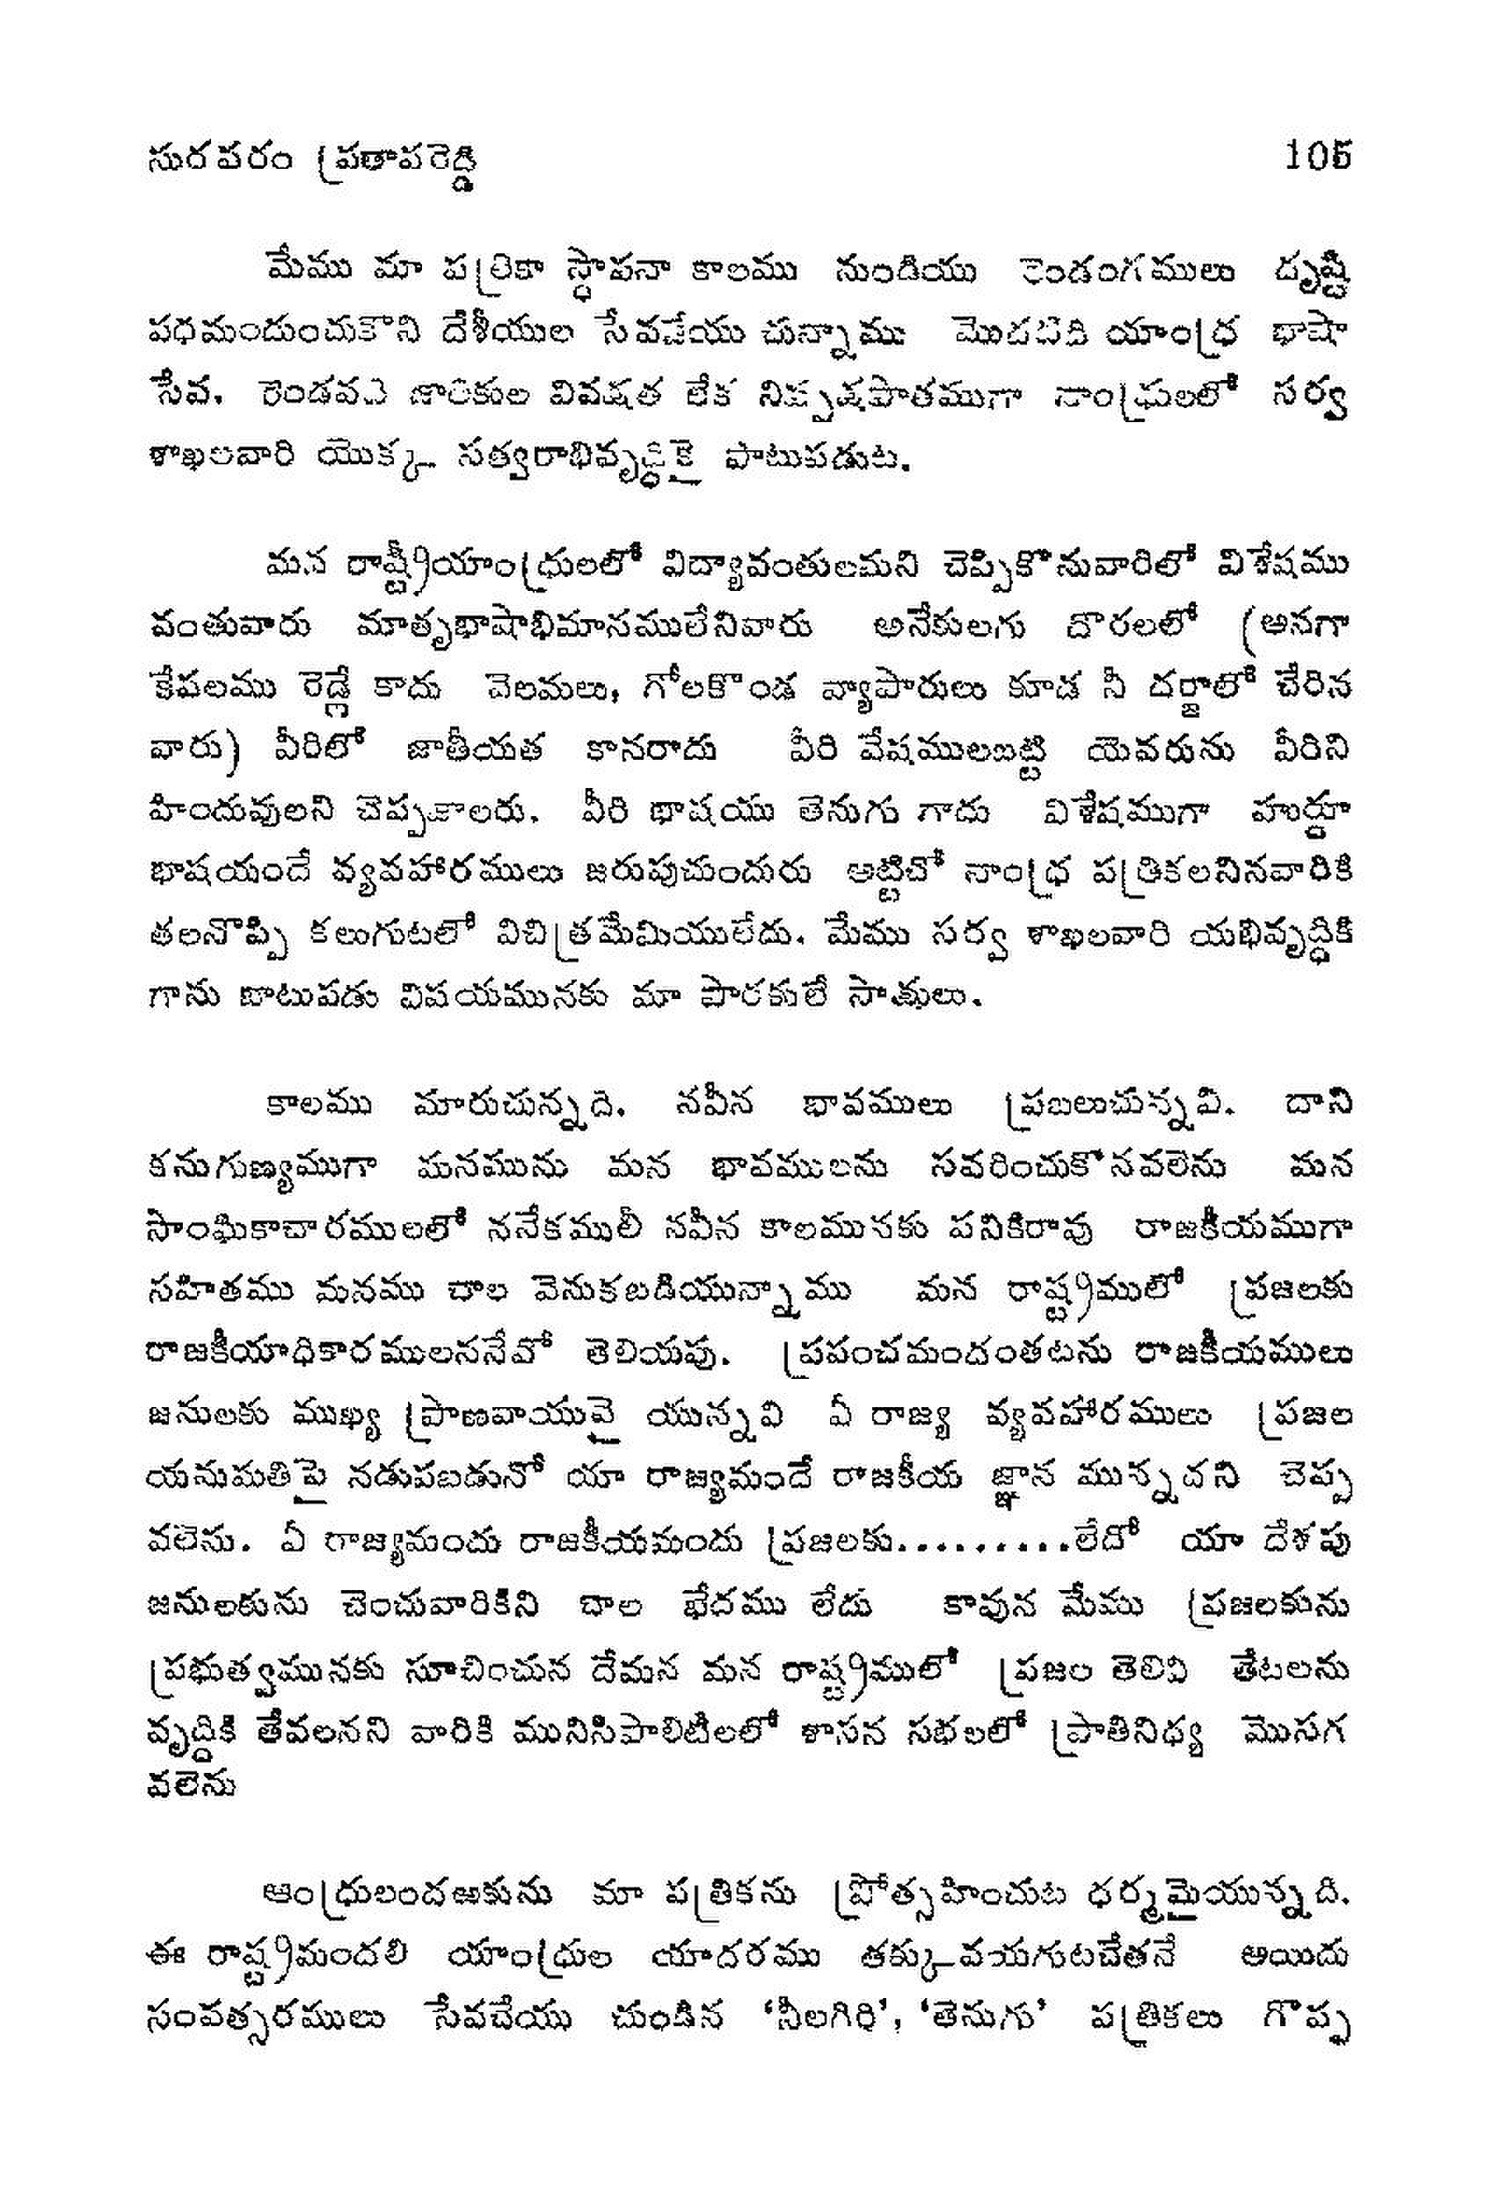మేము మా పత్రికా స్థాపనా కాలము నుండియు రెండంగములు దృష్టిపధమందుంచుకొని దేశీయుల సేవజేయు చున్నాము మొదటిది యాంధ్ర భాషా సేవ. రెండవది జాతికుల వివక్షత లేక నిష్పక్షపాతముగా నాంధ్రులలో సర్వశాఖలవారి యొక్క సత్వరాభివృద్ధికై పాటుపడుట.

మన రాష్ట్రీయాంధ్రులలో విద్యావంతులమని చెప్పికొనువారిలో విశేషము వంతువారు మాతృభాషాభిమానములేని వారు అనేకులగు దొరలలో (అనగా కేవలము రెడ్లే కాదు వెలమలు, గోలకొండ వ్యాపారులు కూడ నీ దర్జాలో చేరిన
వారు) వీరిలో జాతీయత కానరాదు వీరి వేషములబట్టి యెవరును వీరిని హిందువులని చెప్పజాలరు. వీరి భాషయు తెనుగు గాదు విశేషముగా హుర్దూ భాషయందే వ్యవహారములు జరుపుచుందురు అట్టిచో నాంధ్ర పత్రికలనినవారికి
తలనొప్పి కలుగుటలో విచిత్రమేమియులేదు. మేము సర్వ శాఖలవారి యభివృద్ధికిగాను బాటుపడు విషయమునకు మా పాఠకులే సాక్షులు.

కాలము మారుచున్నది. నవీన భావములు ప్రబలుచున్నవి. దాని కనుగుణ్యముగా మనమును మన భావములను సవరించుకొనవలెను మన సాంఘికాచారములలో ననేకములీ నవీన కాలమునకు పనికిరావు రాజకీయముగా
సహితము మనము చాల వెనుకబడియున్నాము మన రాష్ట్రములో ప్రజలకు రాజకీయాధికారములననేవో తెలియవు. ప్రపంచమందంతటను రాజకీయములు జనులకు ముఖ్య ప్రాణవాయువై యున్నవి ఏ రాజ్య వ్యవహారములు ప్రజల
యనుమతిపై నడుపబడునో యా రాజ్యమందే రాజకీయ జ్ఞాన మున్నదని చెప్పవలెను. ఏ రాజ్యమందు రాజకీయమందు ప్రజలకు ........... లేదో యా దేశపు జనులకును చెంచువారికిని చాల భేదము లేదు కావున మేము ప్రజలకును ప్రభుత్వమునకు సూచించున దేమన మన రాష్ట్రములో ప్రజల తెలివి తేటలను వృద్దికి తేవలనని వారికి మునిసిపాలిటీలలో శాసన సభలలో ప్రాతినిధ్య మొసగవలెను

ఆంధ్రులందఱకును మా పత్రికను ప్రోత్సహించుట ధర్మమైయున్నది. ఈ రాష్ట్రమందలి యాంధ్రుల యాదరము తక్కువయగుటచేతనే అయిదు సంవత్సరములు సేవచేయు చుండిన 'నీలగిరి', 'తెనుగు' పత్రికలు గొప్ప